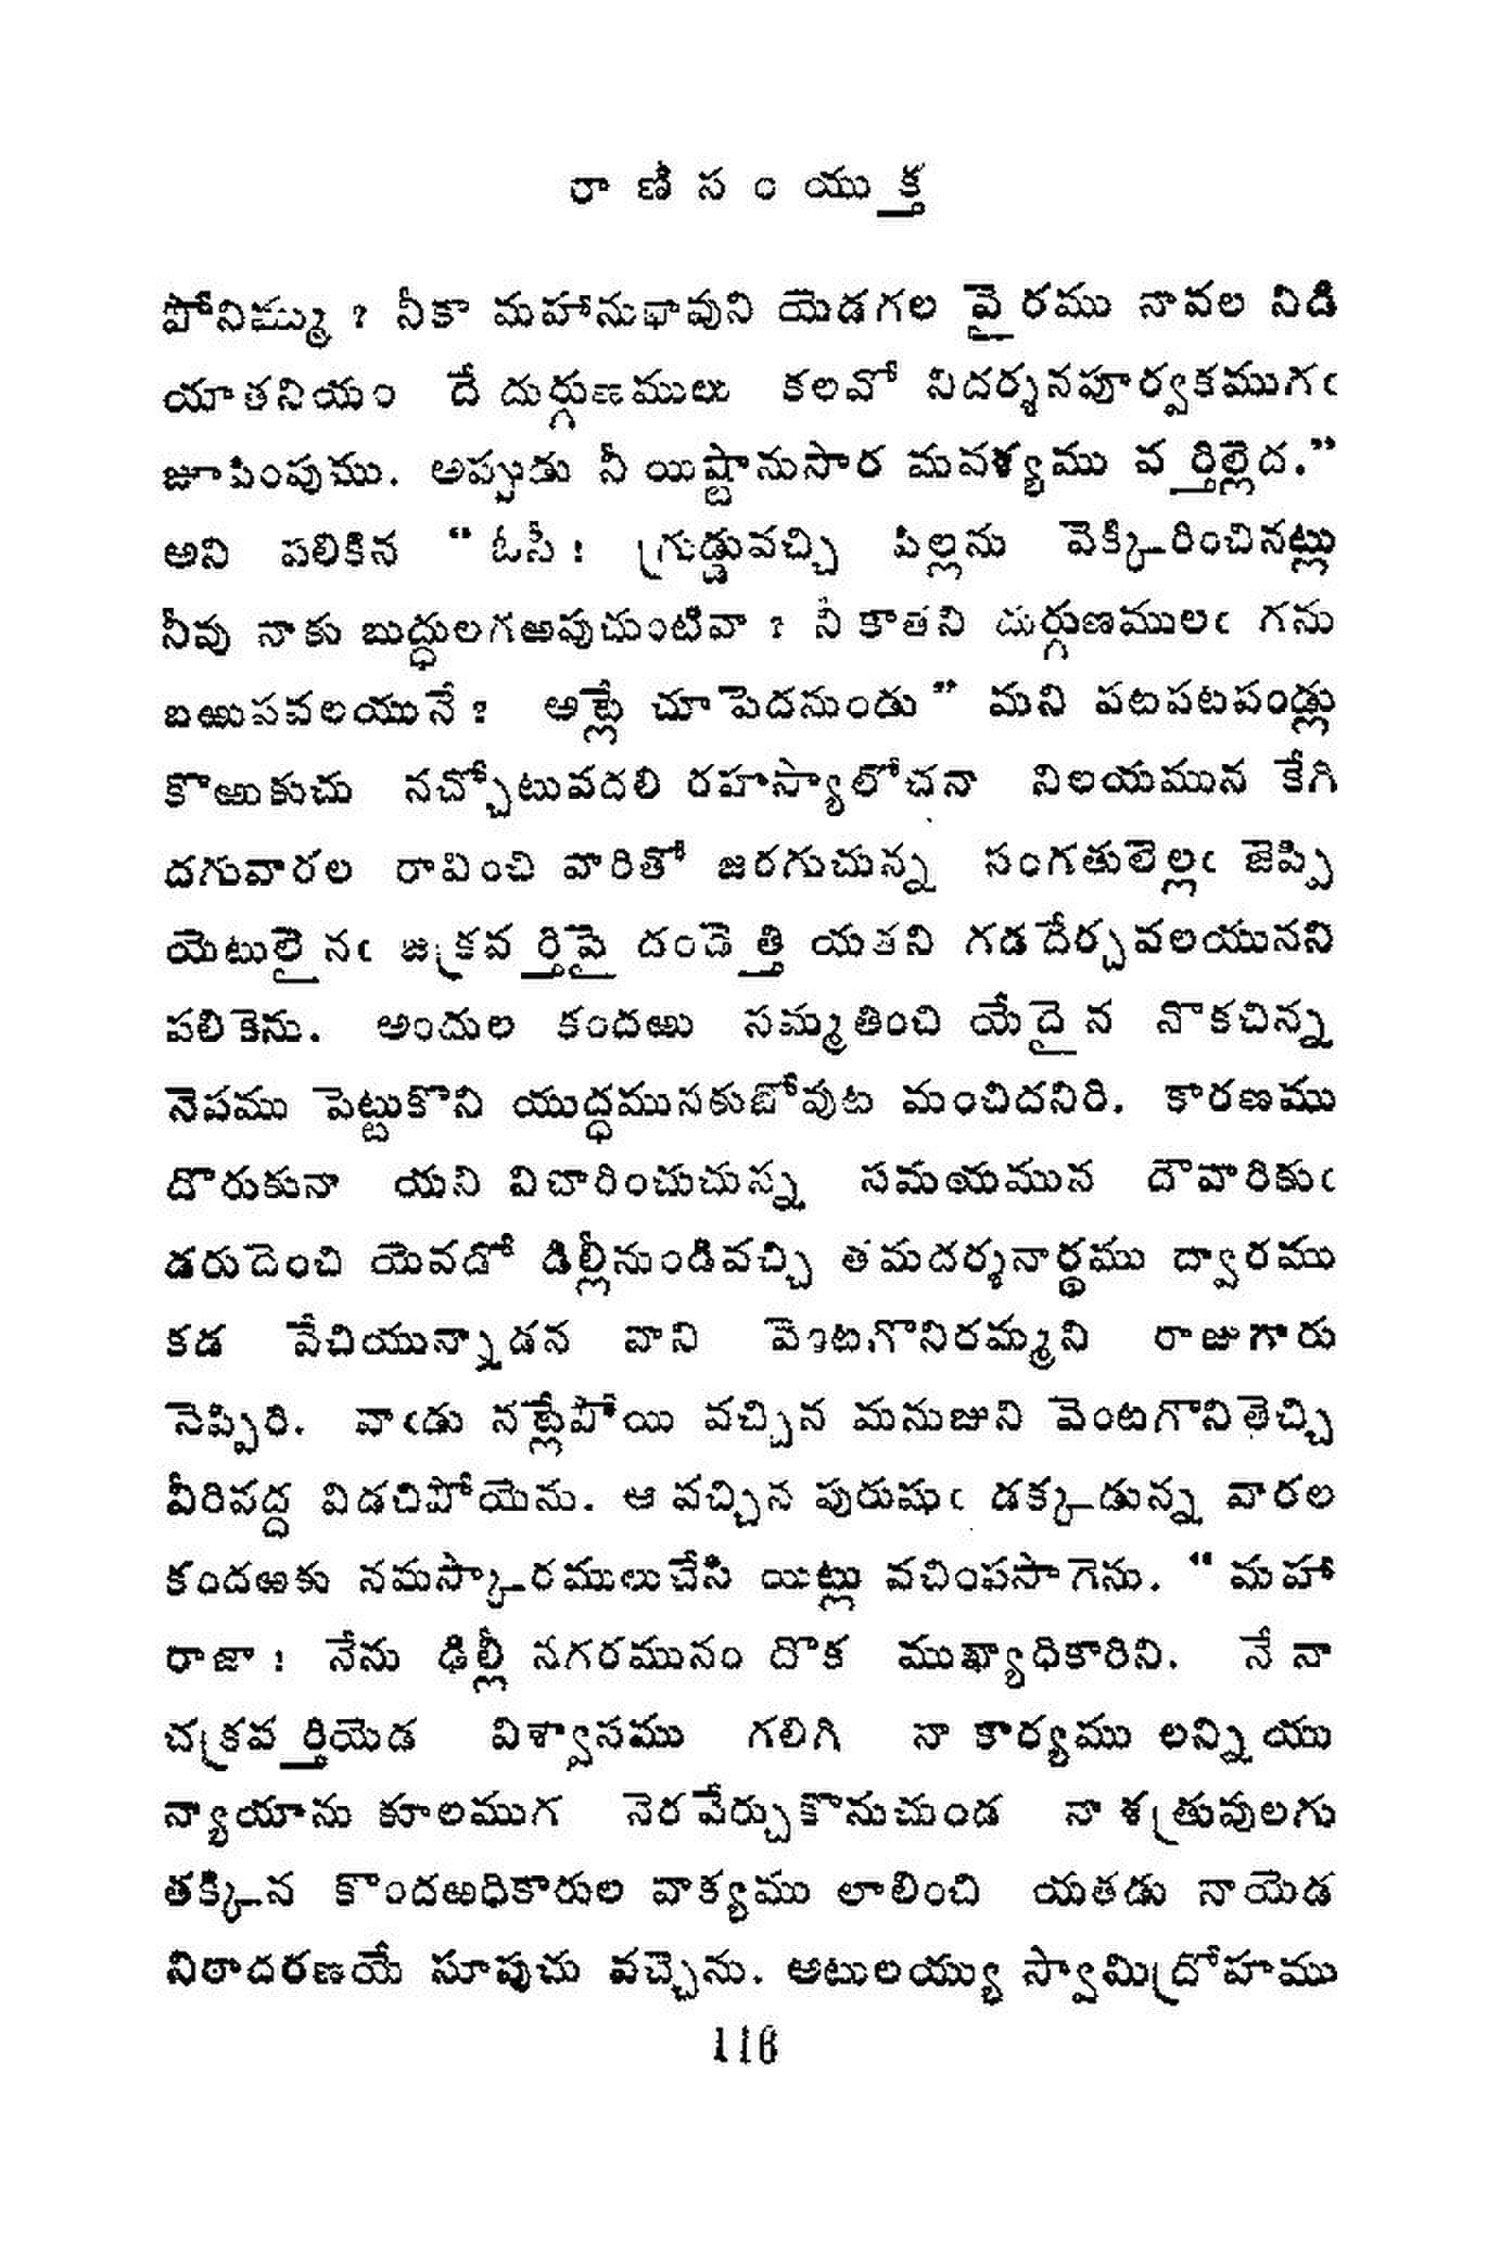పోనిమ్ము? నీకా మహానుభావుని యెడగల వైరము నావల నిడి యాతనియం దే దుర్గుణములు కలవో నిదర్శనపూర్వకముగఁ జూపింపుము. అప్పుడు నీ యిష్టానుసార మనశ్యము వర్తిల్లెద.” అని పలికిన " ఓసీ ! గ్రుడ్డువచ్చి పిల్లను వెక్కిరించినట్లు నీవు నాకు బుద్దుల గఱపుచుంటివా? నీ కాతని దుర్గుణములఁ గను బఱువలయునే? అట్లే చూపెదనుండు " మని పటపటపండ్లు కొఱుకుచు నచ్చోటువదలి రహస్యాలోచనా నిలయమున కేగి దగువారల రావించి వారితో జరగుచున్న సంగతులెల్లఁ జెప్పి యెటులైనఁ చక్రవర్తిపై దండెత్తి యతని గడదేర్చవలయునని పలికెను. అందుల కందఱు సమ్మతించి యేదైన నొక చిన్ననెపము పెట్టుకొని యుద్ధమునకుబోవుట మంచిదనిరి. కారణము దొరుకునా యని విచారించుచున్న సమయమున దౌవారికుఁ డరుదెంచి యెవడో డిల్లీనుండివచ్చి తమదర్శనార్థము ద్వారముకడ వేచియున్నాడన వాని వెంటగొనిరమ్మని రాజుగారు సెప్పిరి. వాఁడు నట్లేపోయి వచ్చిన మనుజుని వెంటగొనితెచ్చి వీరివద్ద విడచిపోయెను. ఆ వచ్చిన పురుషుఁ డక్కడున్న వారల కందఱకు నమస్కారములుచేసి యిట్లు వచింపసాగెను. “మహారాజా ! నేను ఢిల్లీ నగరమునం దొక ముఖ్యాధికారిని. నేనా చక్రవర్తియెడ విశ్వాసము గలిగి నా కార్యము లన్నియు న్యాయాను కూలముగ నెరవేర్చుకొనుచుండ నా శత్రువులగు తక్కిన కొందఱధికారుల వాక్యము లాలించి యతడు నాయెడ నిరాదరణయే సూపుచు వచ్చెను. అటులయ్యు స్వామిద్రోహము